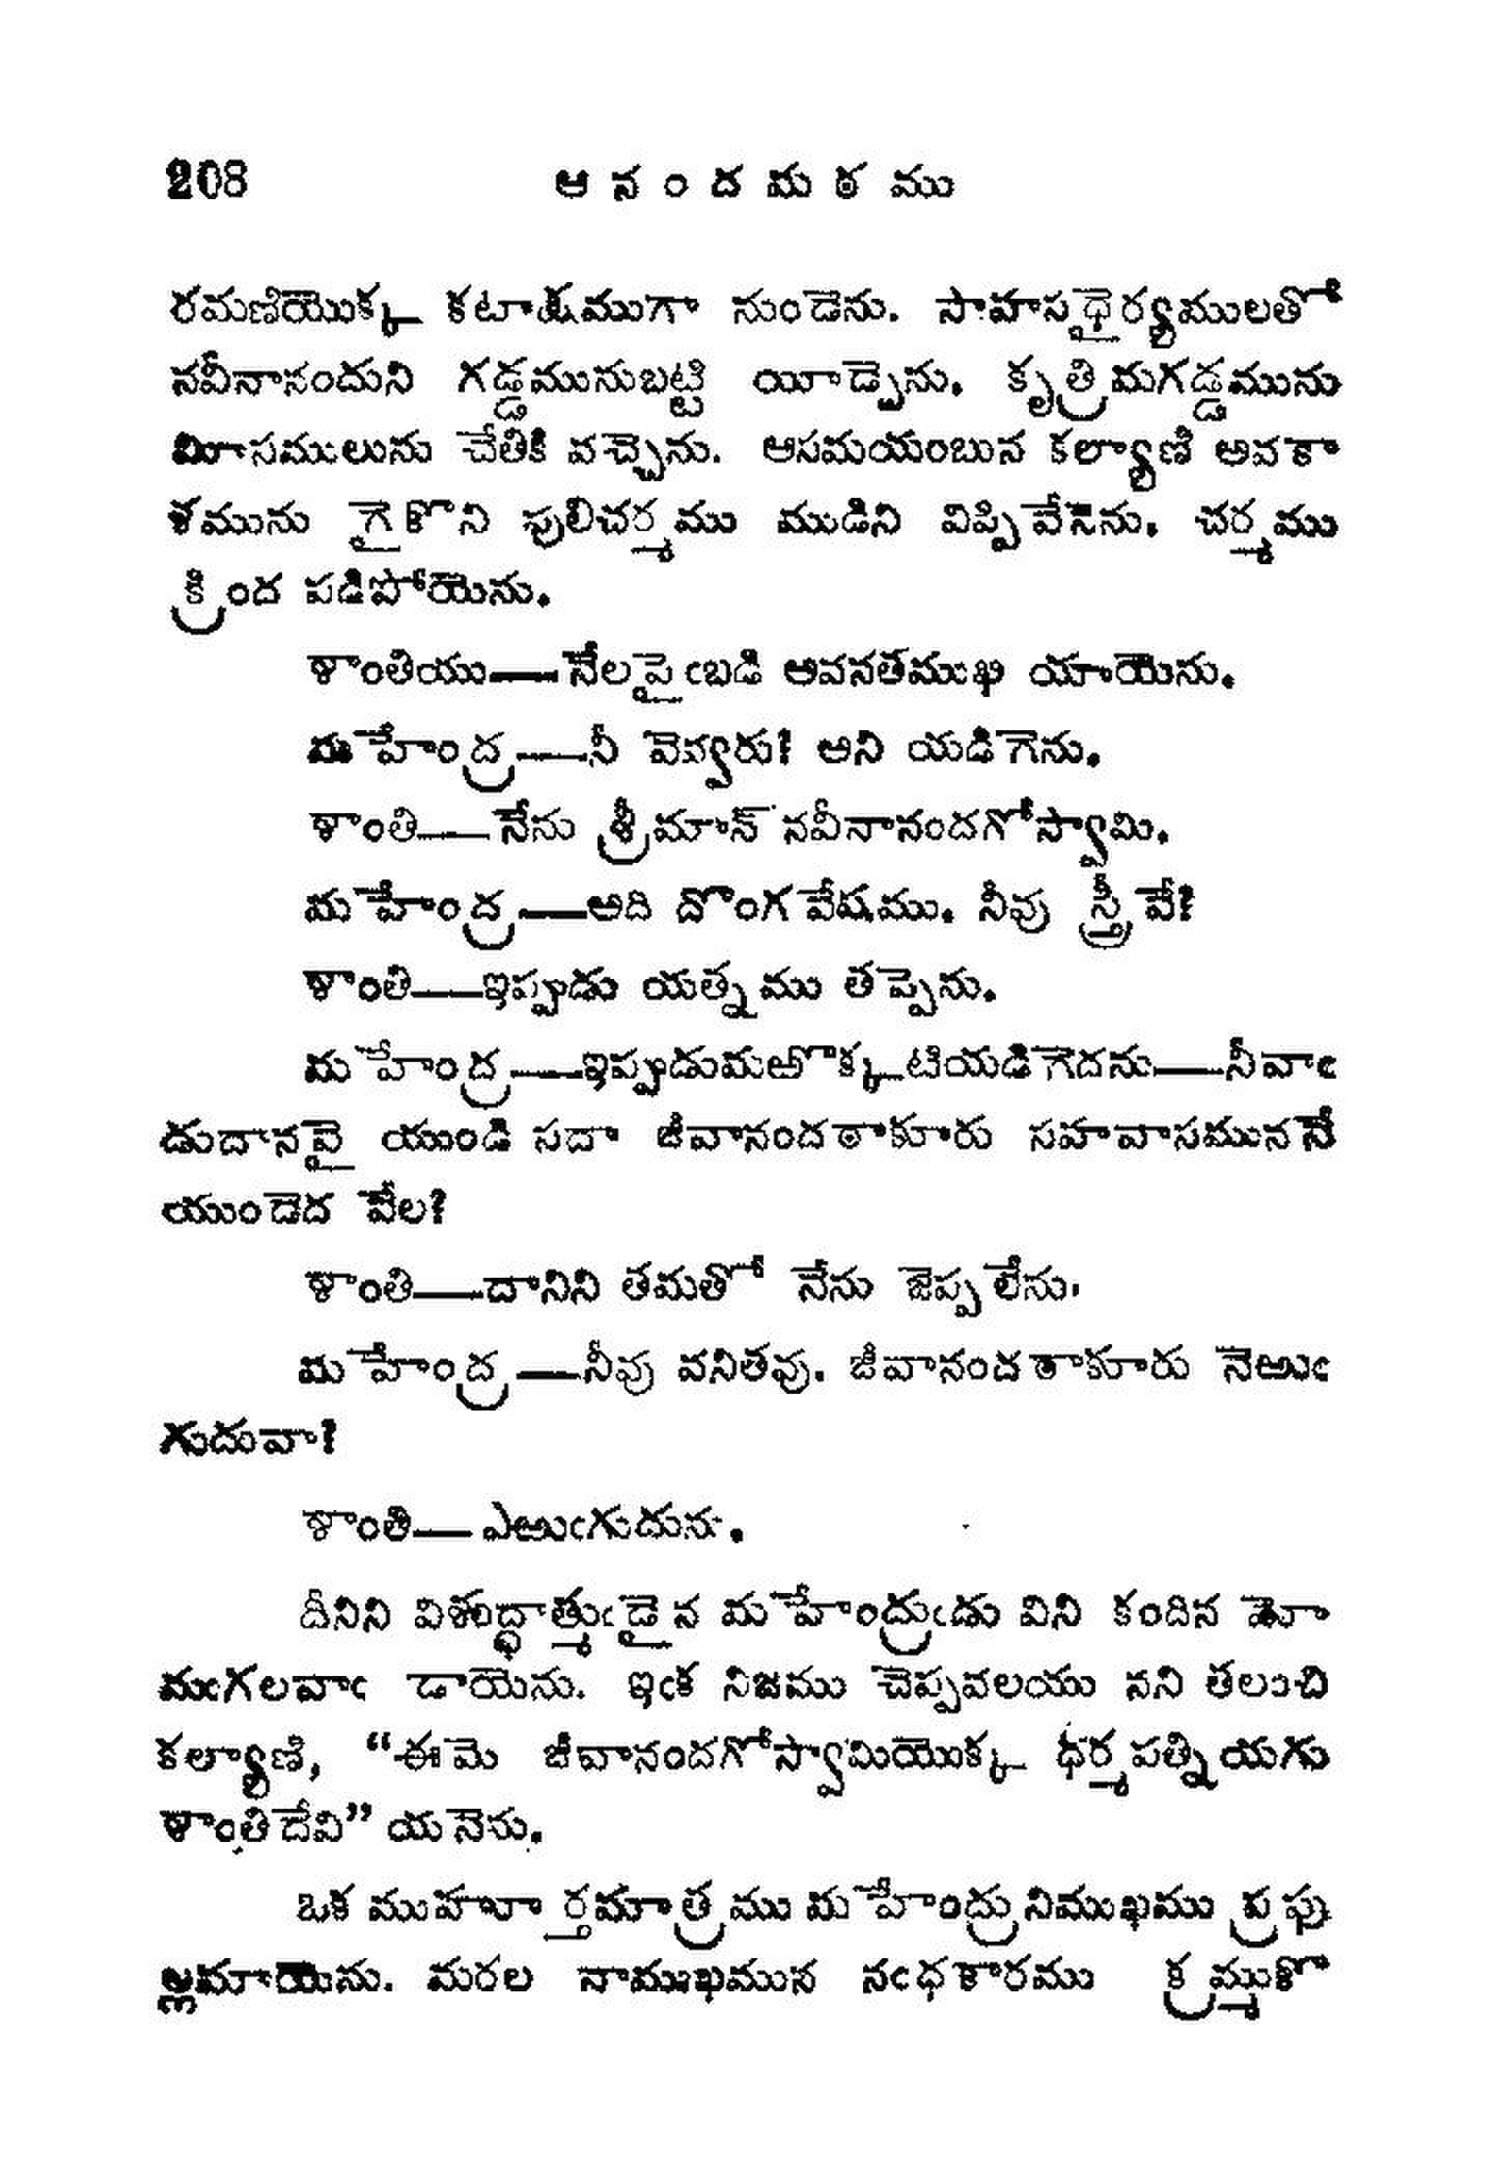రమణియొక్క కటాక్షముగా నుండెను. సాహస ధైర్యములతో నవీనానందుని గడ్డమునుబట్టి యీడ్పెను. కృత్రిమగడ్డమును
మీసములును చేతికి వచ్చెను. ఆసమయంబున కల్యాణి అవకాశమును గైకొని పులిచర్మము ముడిని విప్పి వేసెను, చర్మము క్రింద పడిపోయెను.

శాంతియు——నేలపైఁబడి అవనతముఖి యాయెను.

మహేంద్ర——నీ వెవ్వరు? అని యడిగెను.

శాంతి——నేను శ్రీమాన్ నవీనానందగోస్వామి.

మహేంద్ర——అది దొంగ వేషము. నీవు స్త్రీ వే?

శాంతి——ఇప్పుడు యత్నము తప్పెను.

మహేంద్ర——ఇప్పుడుమఱోక్కటియడిగెదను—— నీవాఁడుదానవై యుండి సదా జీవానందఠాకూరు సహవాసముననే యుండెద వేల?

శాంతి——దానిని తమతో నేను జెప్పలేను.

మహేంద్ర——నీవు వనితవు. జీవానందఠాకూరు నెఱుఁగుదువా?

శాంతి——ఎఱుఁగుదును.

దీనిని విశుద్ధాత్ముఁడైన మహేంద్రుఁడు విని కందిన మోముగలవాఁ డాయెను. ఇఁక నిజము చెప్పవలయు నని తలంచి
కల్యాణి, “ఈమె జీవానందగోస్వామి యొక్క ధర్మపత్ని యగు శాంతిదేవి" యనెను.

ఒక ముహూర్తమాత్రము మహేంద్రు నిముఖము ప్రఫుల్లమాయెను. మరల నాముఖమున నంధకారము క్రమ్ముకో